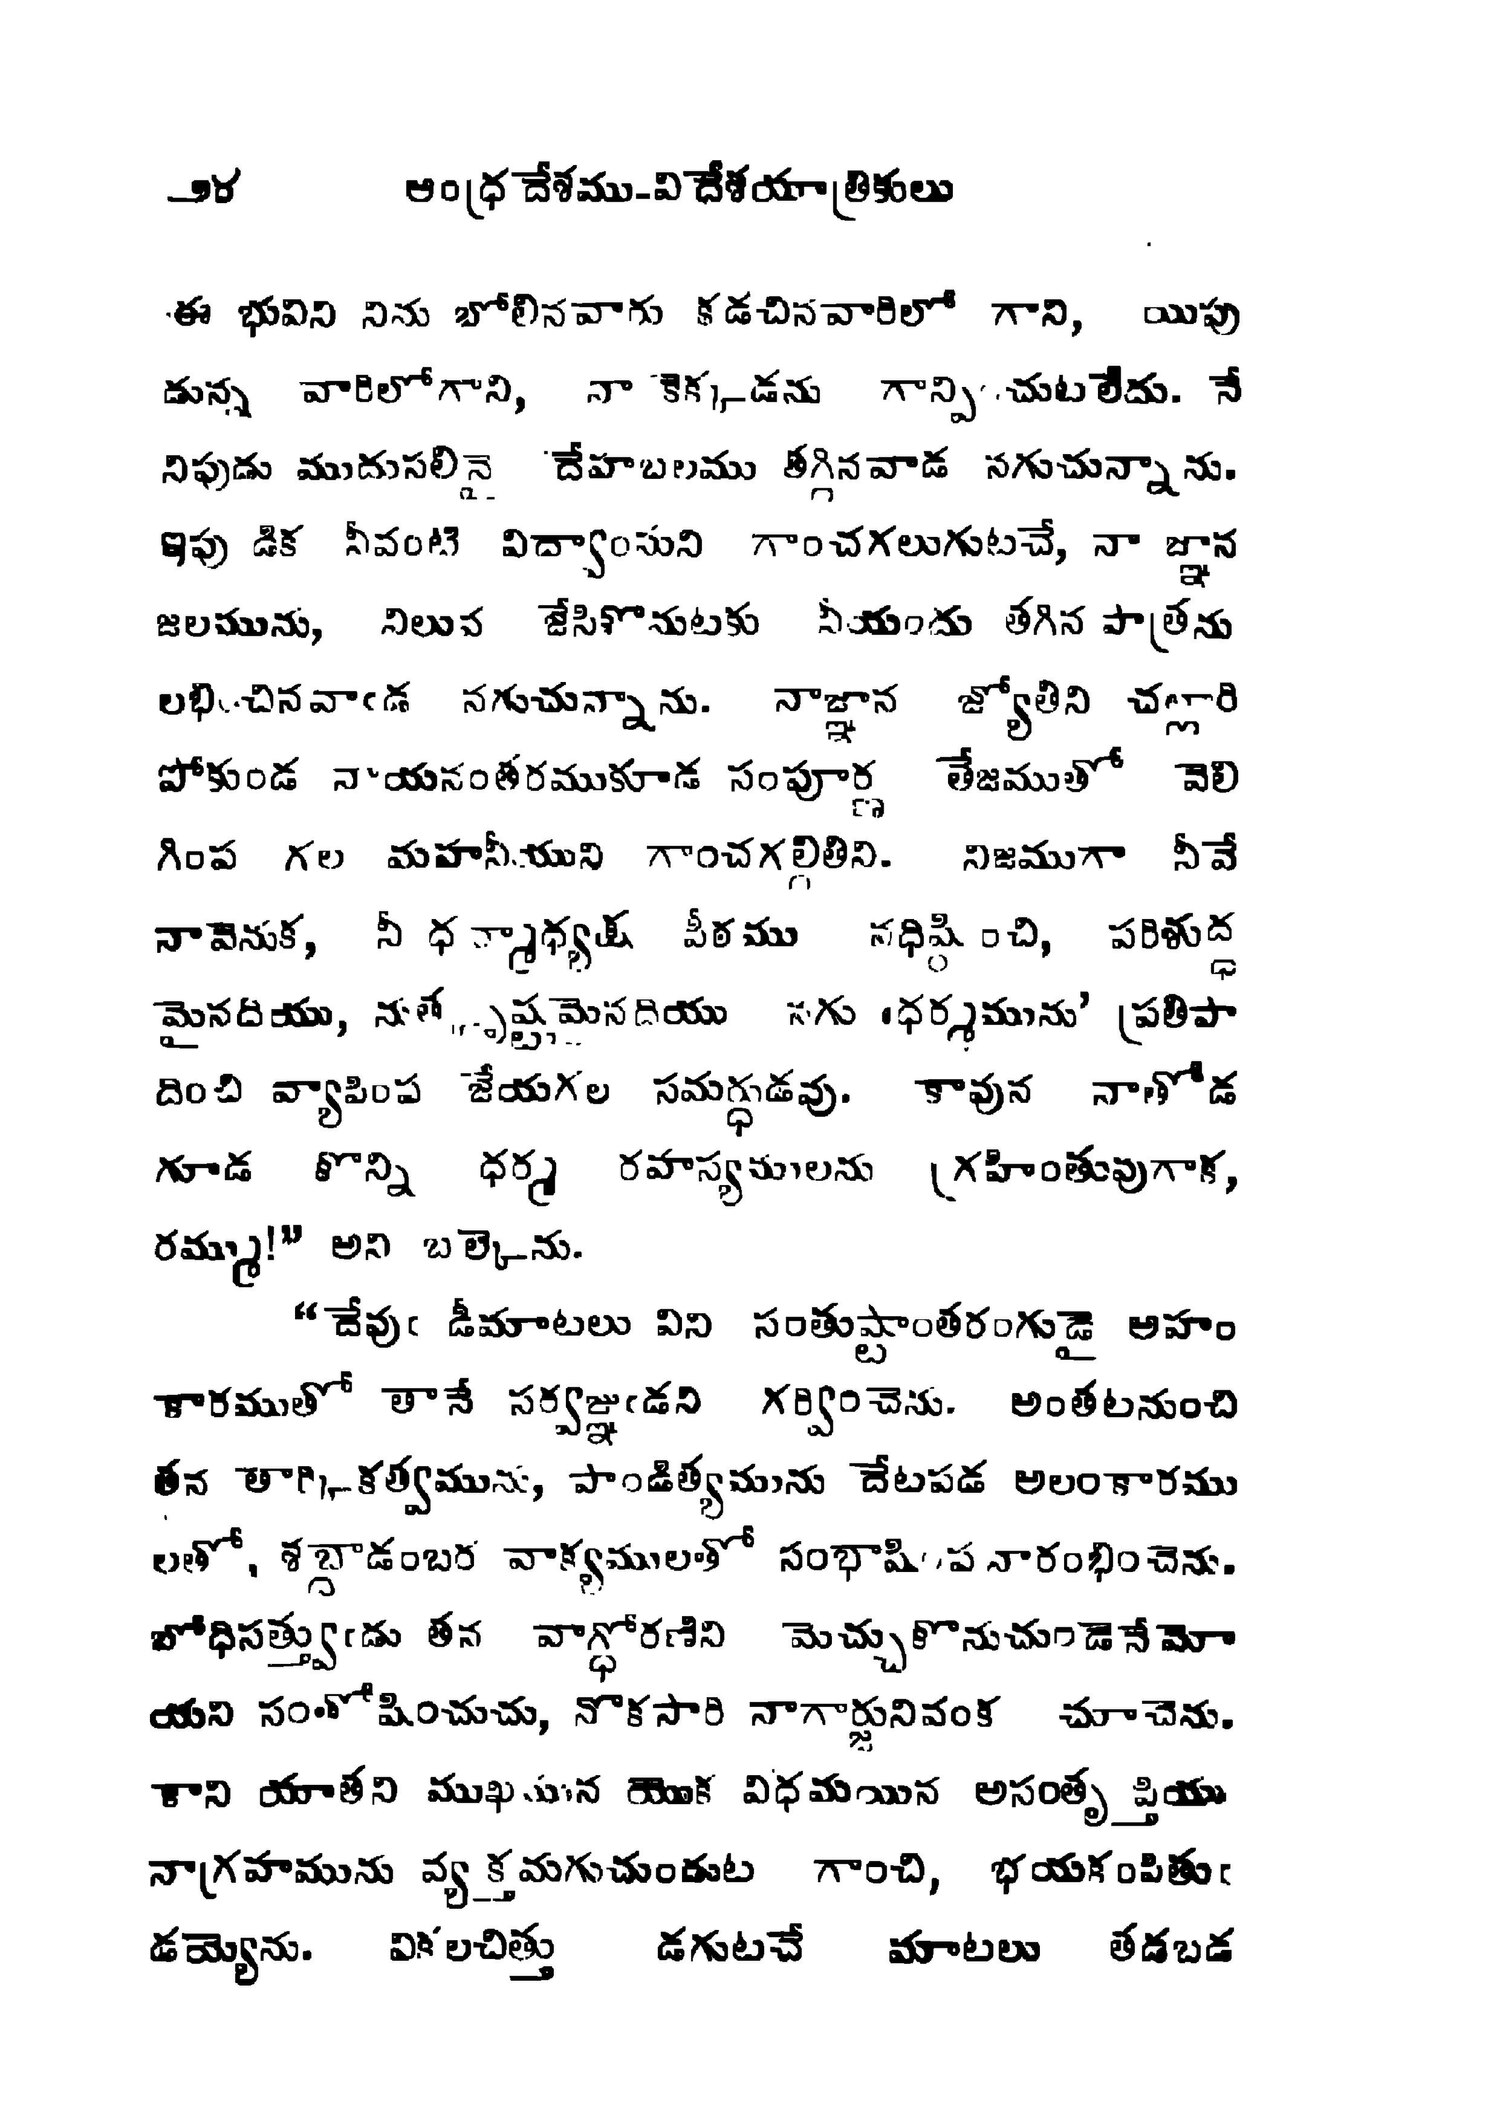ఈ భువిని నిను బోలినవారు కడచినవారిలో గాని, యిపుడున్న వారిలోగాని, నాకెక్కడను గాన్పించుటలేదు. నేనిపుడు ముదుసలినై దేహబలము తగ్గినవాడ నగుచున్నాను. ఇపుడిక నీవంటి విద్వాంసుని గాంచగలుగుటచే, నాజ్ఞాన జలమును, నిలువ జేసికొనుటకు నీయందు తగిన పాత్రను లభించిన వాడ నగుచున్నాను. నా జ్ఞాన జ్యోతిని చల్లార్చిపోకుండ నాయనంతరముకూడ సంపూర్ణ తేజముతో వెలిగింప గల మహనీయుని గాంచగల్గితిని. నిజముగా నీవే నావెనుక, నీ ధర్మాధ్యక్ష పీఠము నధిష్ఠించి, పరిశుద్ధమైనదియు, నుత్క్రుష్టమైనదియు నగు ' ధర్మమును ' ప్రతిపాదించి వ్యాపింప జేయగల సమర్ధుడవు. కావున నాతోడ గూడ కొన్ని ధర్మ రహస్యములను గ్రహింతువుగాక, రమ్ము!" అని బల్కెను.

"దేవుడీ మాటలు విని సంతుష్టాంతరంగుడై అహంకారముతో తానే సర్వజ్ఞుడని గర్వించెను. అంతటనుంచి తన తార్కికత్వమును, పాండిత్యమును దేటపడ అలంకారములతో, శబ్దాడంబర వాక్యములతో సంభాషింప నారంభించెను. బోధిసత్త్వుడు తన వాగ్దోరణిని మెచ్చుకొనుచుండెనేమోయని సంతోషించుచు, నొకసారి నాగార్జునివంక చూచెను. కాని యాతని ముఖమున యొక అసంతృప్తియు నాగ్రహమును వ్యక్తమగుచుండుట గాంచి, భయకంపితు డయ్యెను. వికలచిత్తు డగుటచే మాటలు తడబడ